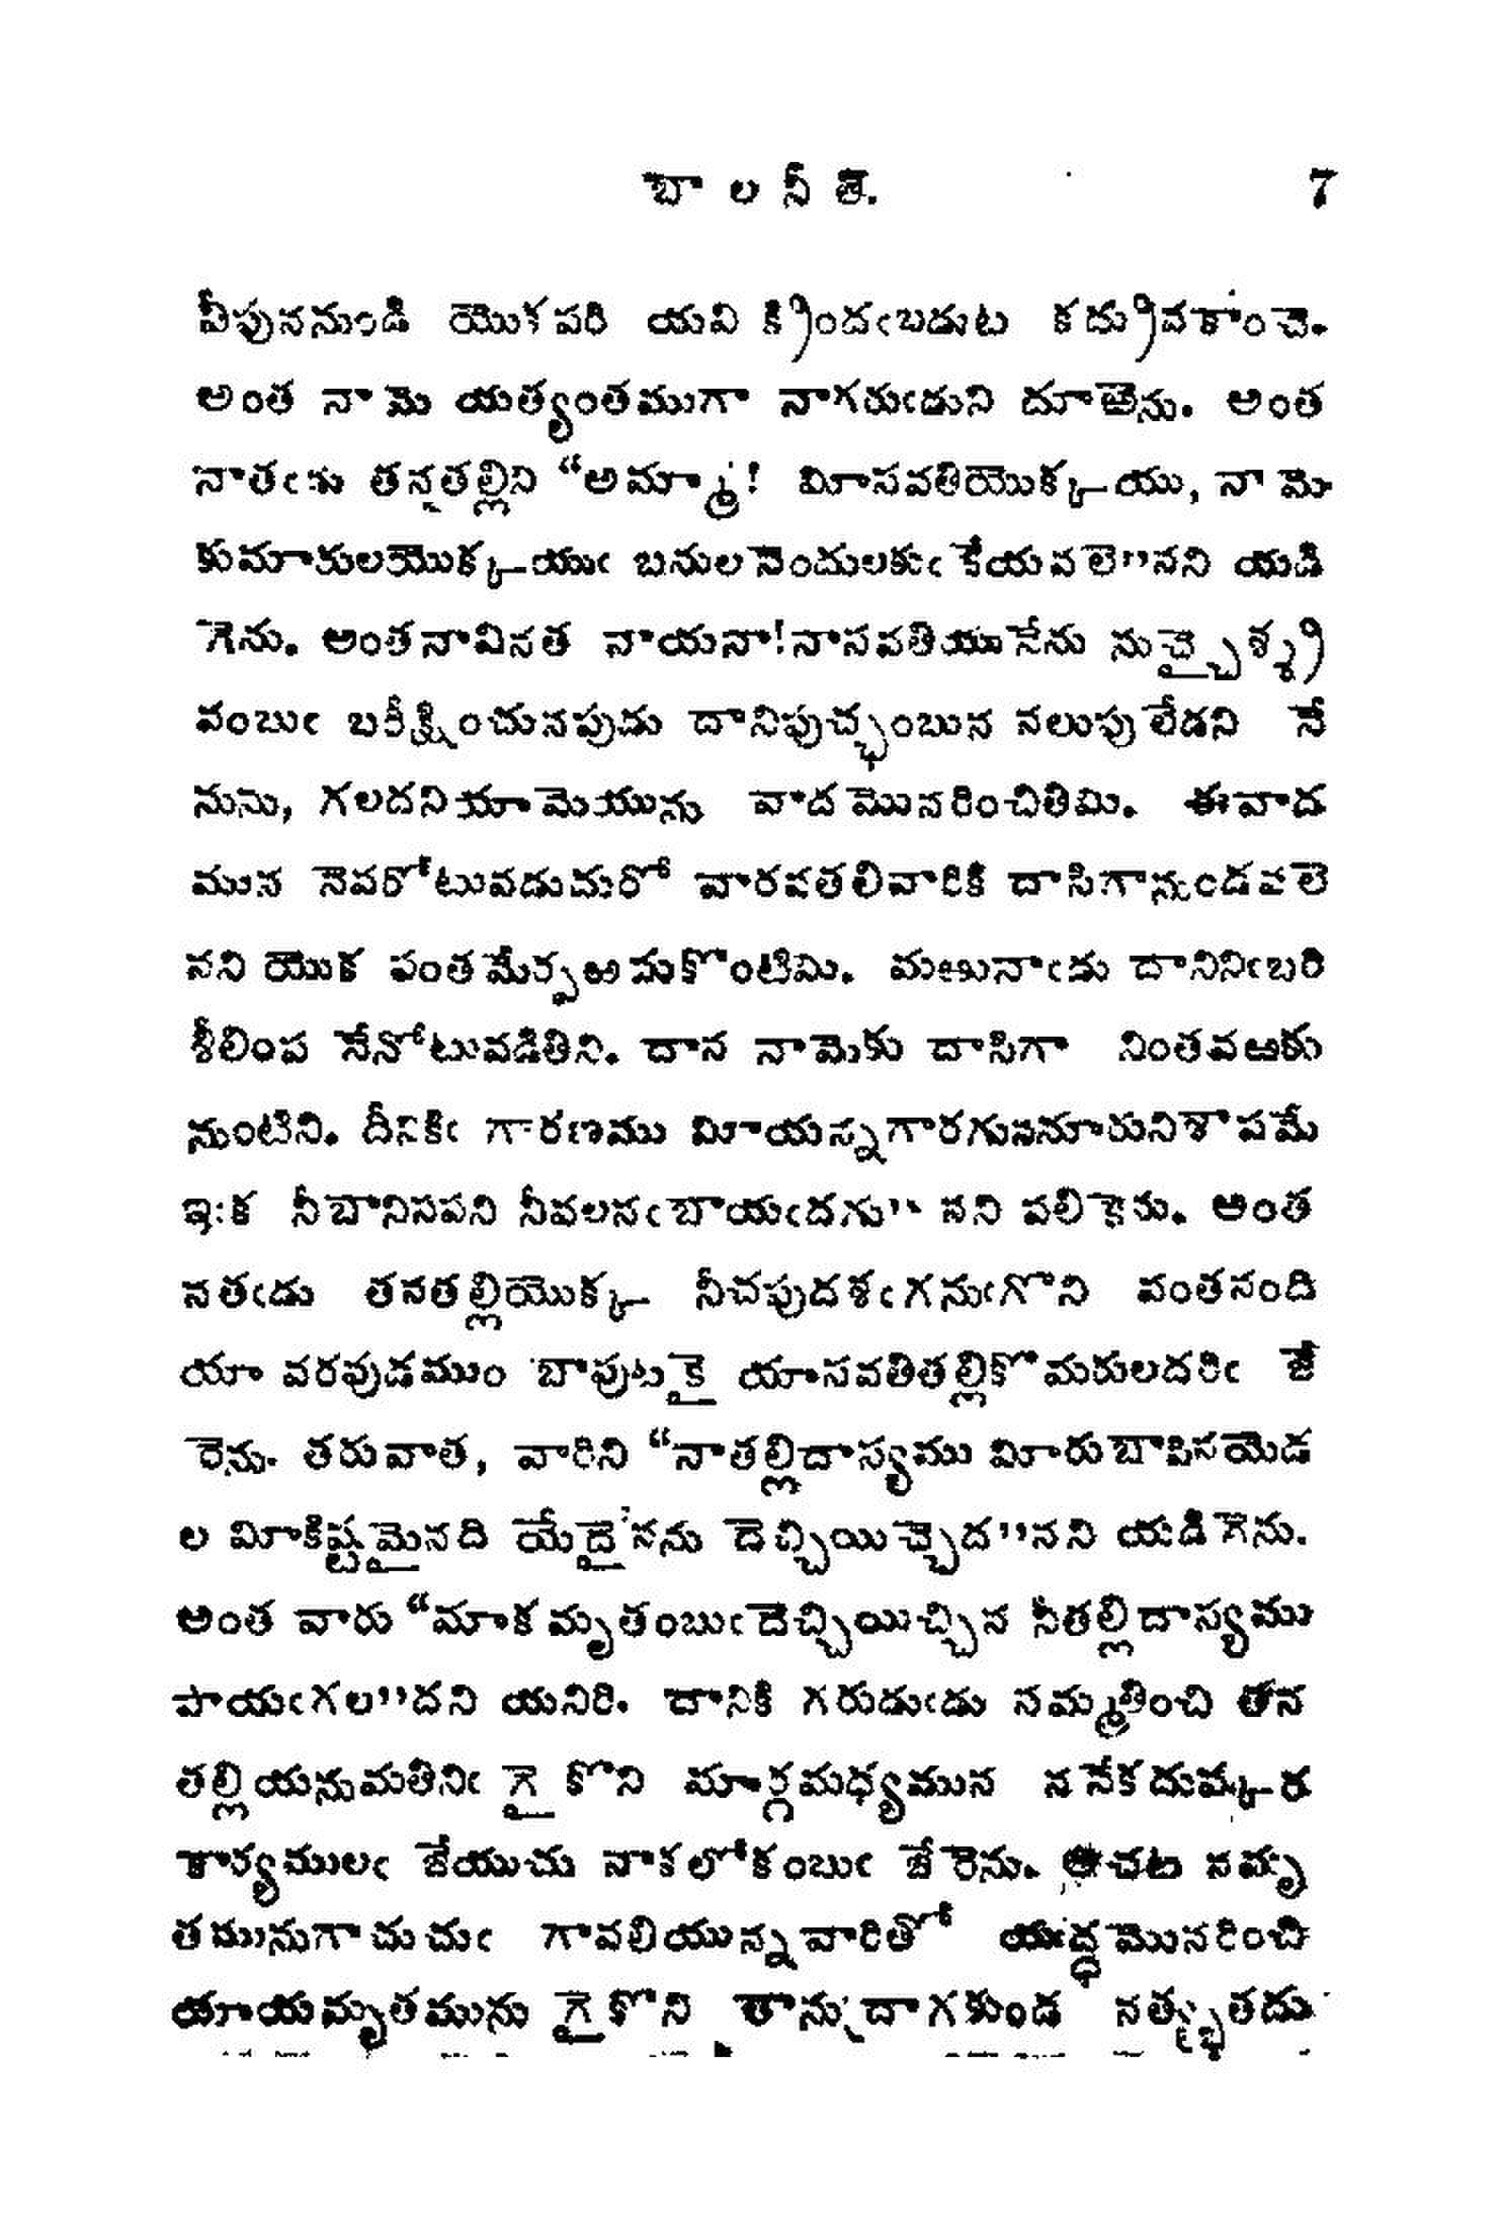వీపుననుండి యొకపరి యవి క్రిందఁబడుట కద్రువకాంచె. అంత నామె యత్యంతముగా నాగరుఁడుని దూఱెను. అంత నాతఁడు తనతల్లిని "అమ్మా! మీసవతియొక్కయు, నామె
కుమారులయొక్కయుఁ బనులనెందులకుఁ జేయవలె"నని యడిగెను. అంతనావినత నాయనా! నాసవతియునేను నుచ్చైశ్శ్రవంబుఁ బరీక్షించునపుడు దానిపుచ్ఛంబున నలుపులేదని నేనును, గలదని యాయెయును వాదమొనరించితిమి. ఈవాద
మున నెవరోటువడుదురో వారవతలివారికి దాసిగా నుండవలెనని యొక పంతమేర్పఱచుకొంటిమి. మఱునాడు దానినిఁ బరిశీలింప నేనోటువడితిని. దాన నామెకు దాసిగా నింతవఱకు నుంటిని. దీనికిఁ గారణము మీయన్నగారగుననూరునిశాపమే 
ఇఃక నీబానిసపని నీవలనఁ బాయఁదగు"నని పలికెను. అంత నతఁడు తనతల్లియొక్క నీచపుదశఁగనుఁగొని పంతనంది యా వరవుడముం బాపుటకై యాసవతితల్లికొమరులదరిఁ జేరెను. తరువాత, వారిని "నాతల్లిదాస్యము మీరుబాపినయెడల మీకిష్టమైనది యేదైనను దెచ్చియిచ్చెద"నని యడిగెను. అంత వారు "మాకమృతంబుదెచ్చియిచ్చిన నీతల్లిదాస్యము 
పాయఁగల"దని యనిరి. దానికి గరుడుఁడు సమ్మతించి తన తల్లియనుమతినిఁ గైకొని మార్గమధ్యమున ననేక దుష్కర కార్యములఁ జేయుచు నాకలోకంబుఁ జేరెను. అచట నమృ
తమునుగాచుచుఁ గావలియున్నవారితో యుద్ధమొనరించి యాయమృతమును గైకొని తానుద్రాగకుండ నత్య్భతదు